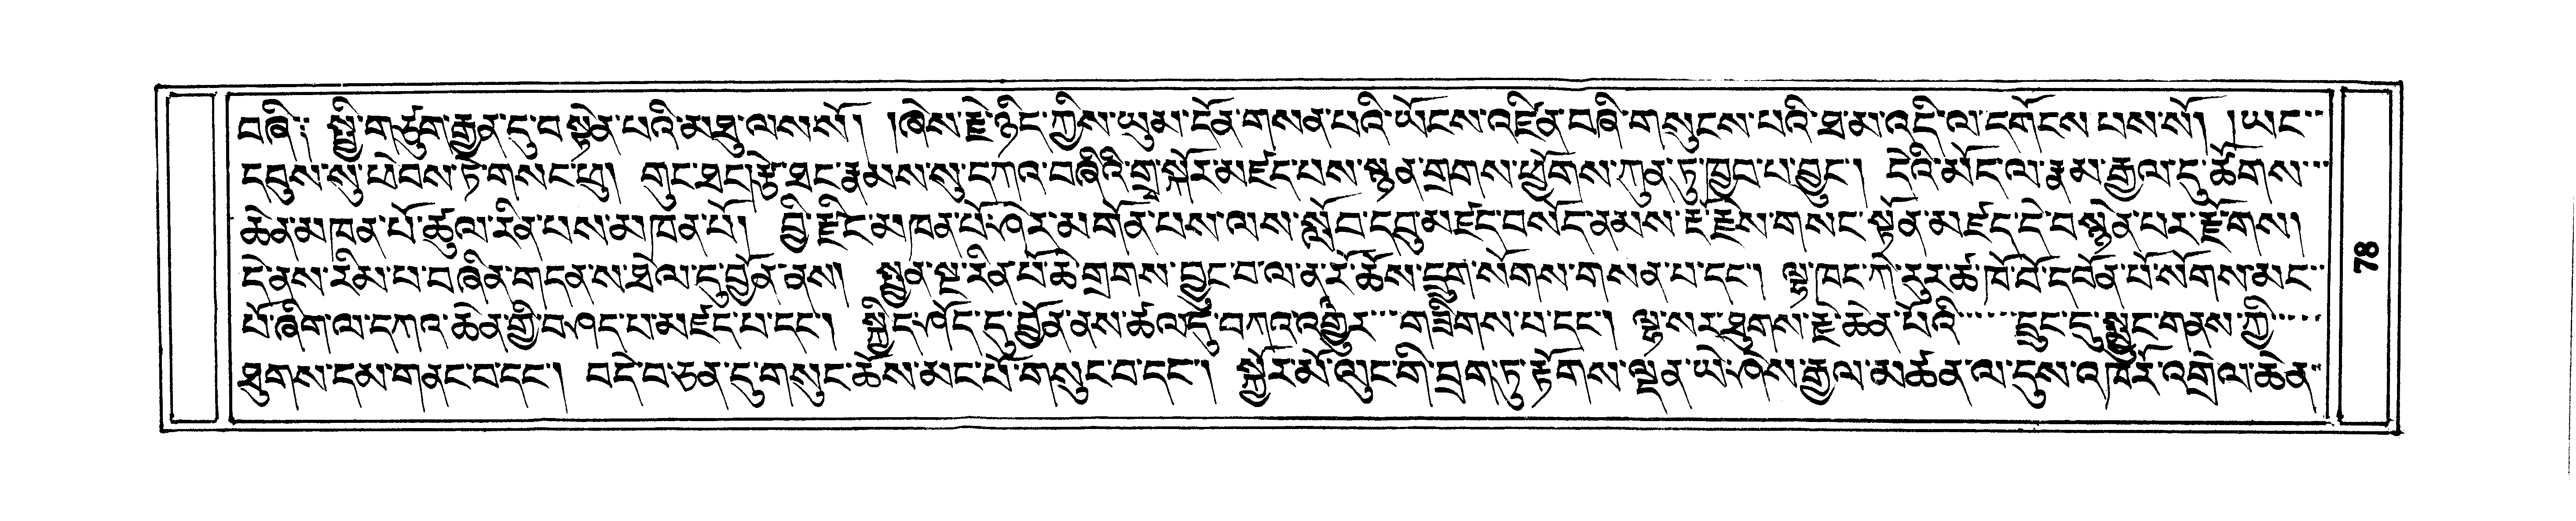བཞི༑ སྤྱི་གཙུག་རྒྱན་དུ་བསྟེན་པའི་མཐུ་ལས་སོ། །ཞེས་རྗེ་ཉིད་ཀྱིས་ཡུམ་དོན་གསན་པའི་ཡོངས་འཛིན་བཞི་གསུངས་པའི་ཐ་མ་འདི་ལ་དགོངས་པས་སོ། །ཡང་
དབུས་སུ་ཕེབས་ཏེ་གསང་ཕུ། གུང་ཐང་། རྩེ་ཐང་རྣམས་སུ་དཀའ་བཞིའི་གྲྭ་སྐོར་མཛད་པས་སྙན་གྲགས་ཕྱོགས་ཀུན་ཏུ་ཁྱབ་པ་བྱུང་། དེའི་མོད་ལ་རྣམ་རྒྱལ་དུ་ཚོགས་
ཆེན་མཁན་པོ་ཚུལ་རིན་པས་མཁན་པོ། བྱི་རྫིང་མཁན་པོ་ཤེར་མགོན་པས་ལས་སློབ་དབུ་མཛད་བསོད་ནམས་རྡོ་རྗེས་གསང་སྟོན་མཛད་དེ་བསྙེན་པར་རྫོགས།
དེ་ནས་རིམ་པ་བཞིན་གདན་ས་ཐེལ་དུ་བྱོན་ནས། སྤྱན་སྔ་རིན་པོ་ཆེ་གྲགས་བྱུང་བ་ལ་ན་རོ་ཆོས་དྲུག་སོགས་གསན་པ་དང་། ལྷ་ཁང་ཀེ་རུར་ཚ་ཁོ་བོ་དབོན་པོ་སོགས་མང་
པོ་ཞིག་ལ་དཀའ་ཆེན་གྱི་བཤད་པ་མཛད་པ་དང་། སྐྱིད་ཤོད་དུ་བྱོན་ནས་ཚལ་དུ་བཀའ་འགྱུར་གཟིགས་པ་དང་། ལྷ་སར་ཐུགས་རྗེ་ཆེན་པོའི་དྲུང་དུ་སྨྱུང་གནས་ཀྱི་
ཐུགས་དམ་གནང་བ་དང་། བདེ་བ་ཅན་དུ་གསུང་ཆོས་མང་པོ་གསུང་བ་དང་། སྐྱོར་མོ་ལུང་གི་བྲག་ཏུ་རྟོགས་ལྡན་ཡེ་ཤེས་རྒྱལ་མཚན་ལ་དུས་འཁོར་འགྲེལ་ཆེན་